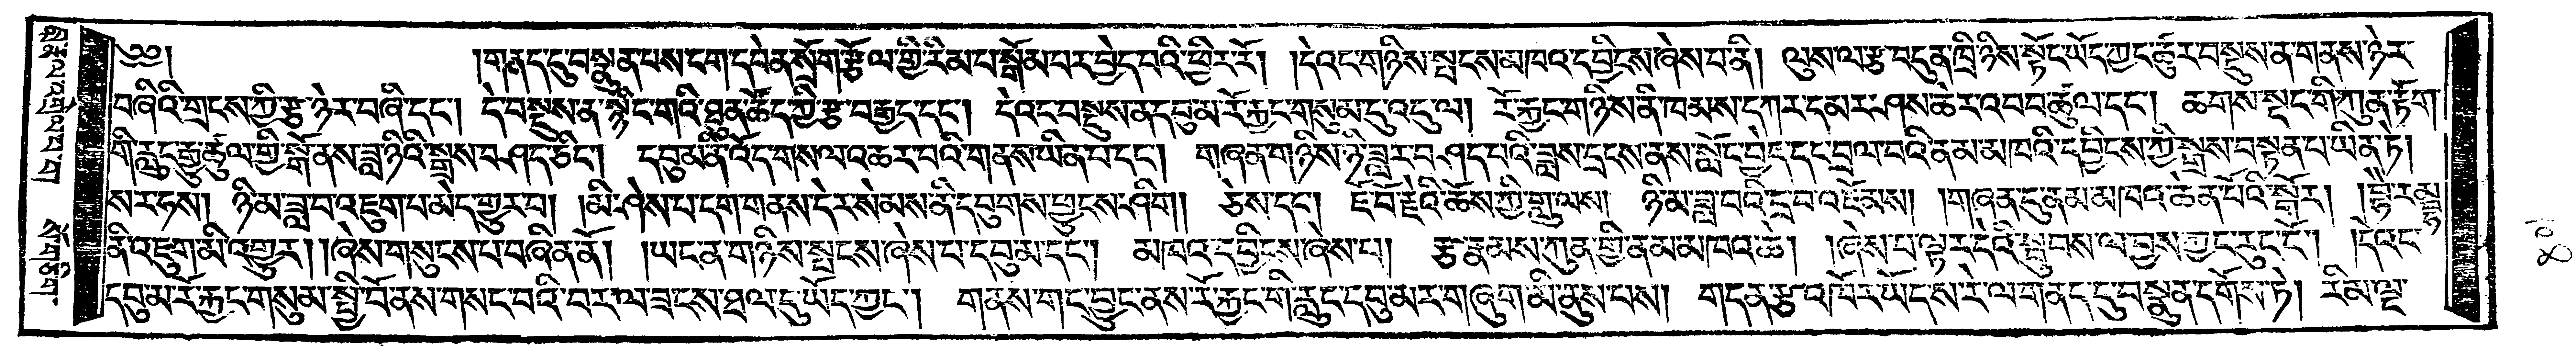༄༅། །གནད་དུ་བསྣུན་པས་ངག་དབེན་སྲོག་རྩོལ་གྱི་རིམ་པ་བསྒོམ་པར་བྱེད་བའི་ཕྱིར་རོ། །དེའང་གཉིས་སྤངས་མཁའ་དབྱིངས་ཞེས་པ་ནི། ལུས་ལ་རྩ་བདུན་ཁྲི་ཉིས་སྟོང་ཡོད་ཀྱང་ཚུར་བསྡུས་ན་གནས་ཉེར་
བཞིའི་གྲངས་ཀྱི་རྩ་ཉེར་བཞི་དང་། དེ་བསྡུས་ན་སྙིང་གའི་ཐུན་ཚོད་ཀྱི་རྩ་བརྒྱད་དང་། དེའང་བསྡུས་ན་དབུ་མ་རོ་རྐྱང་གསུམ་དུ་འདུ་ལ། རོ་རྐྱང་གཉིས་ནི་ཁམས་དཀར་དམར་ཤས་ཆེར་འབབ་ཚུལ་དང་། ཆགས་སྡང་གི་ཀུན་རྟོག་
གི་རླུང་རྒྱ་ཚུལ་གྱི་སྒོ་ནས་ཟླ་ཉིའི་སྒྲས་བཤད་ཅིང་། དབུ་མ་ནི་འོད་གསལ་འཆར་བའི་གནས་ཡིན་པ་དང་། གཞན་གཉིས་ཉི་ཟླར་བཤད་པའི་ཟླས་དྲངས་ནས་སློང་བྱེད་དང་བྲལ་བའི་ནམ་མཁའི་དབྱིངས་ཀྱི་སྒྲས་བསྟན་པ་ཡིན་ཏེ། །
ས་ར་ཧས། ཉི་མ་ཟླ་བ་འཇུག་པ་མེད་གྱུར་པ། །མི་ཤེས་པ་དག་གནས་དེར་སེམས་ནི་དབུགས་ཕྱུངས་ཤིག། ཅེས་དང་། ཇོ་བོ་རྗེའི་ཆོས་ཀྱི་གླུ་ལས། ཉི་མ་ཟླ་བའི་དྲ་བ་འཇོམས། །གཞན་དུ་ནམ་མཁའ་ཆེན་པོའི་སྒོར། །བྷཻ་རམྦྷ་
ནི་འཇུག་མི་འགྱུར། །ཞེས་གསུངས་པ་བཞིན་ནོ། །ཡང་ན་གཉིས་སྤངས་ཞེས་པ་དབུ་མ་དང་། མཁའ་དབྱིངས་ཞེས་པ། རྩ་རྣམས་ཀུན་གྱི་ནམ་མཁའ་ཆེ། །ཞེས་པ་ལྟར་དེའི་སྦུབས་ལ་བྱས་ཀྱང་རུང་ངོ། །དེའང་
དབུ་མ་རོ་རྐྱང་གསུམ་སྤྱི་བོ་ནས་གསང་བའི་བར་ལ་ཟངས་ཐལ་དུ་ཡོད་ཀྱང་། གནས་གང་བྱུང་ནས་རོ་རྐྱང་གི་རླུང་དབུ་མར་གཞུག་མི་ནུས་པས། གདན་རྩ་འཁོར་ཡོད་ས་རེ་ལ་གནད་དུ་བསྣུན་དགོས་ཏེ། རིམ་ལྔ་